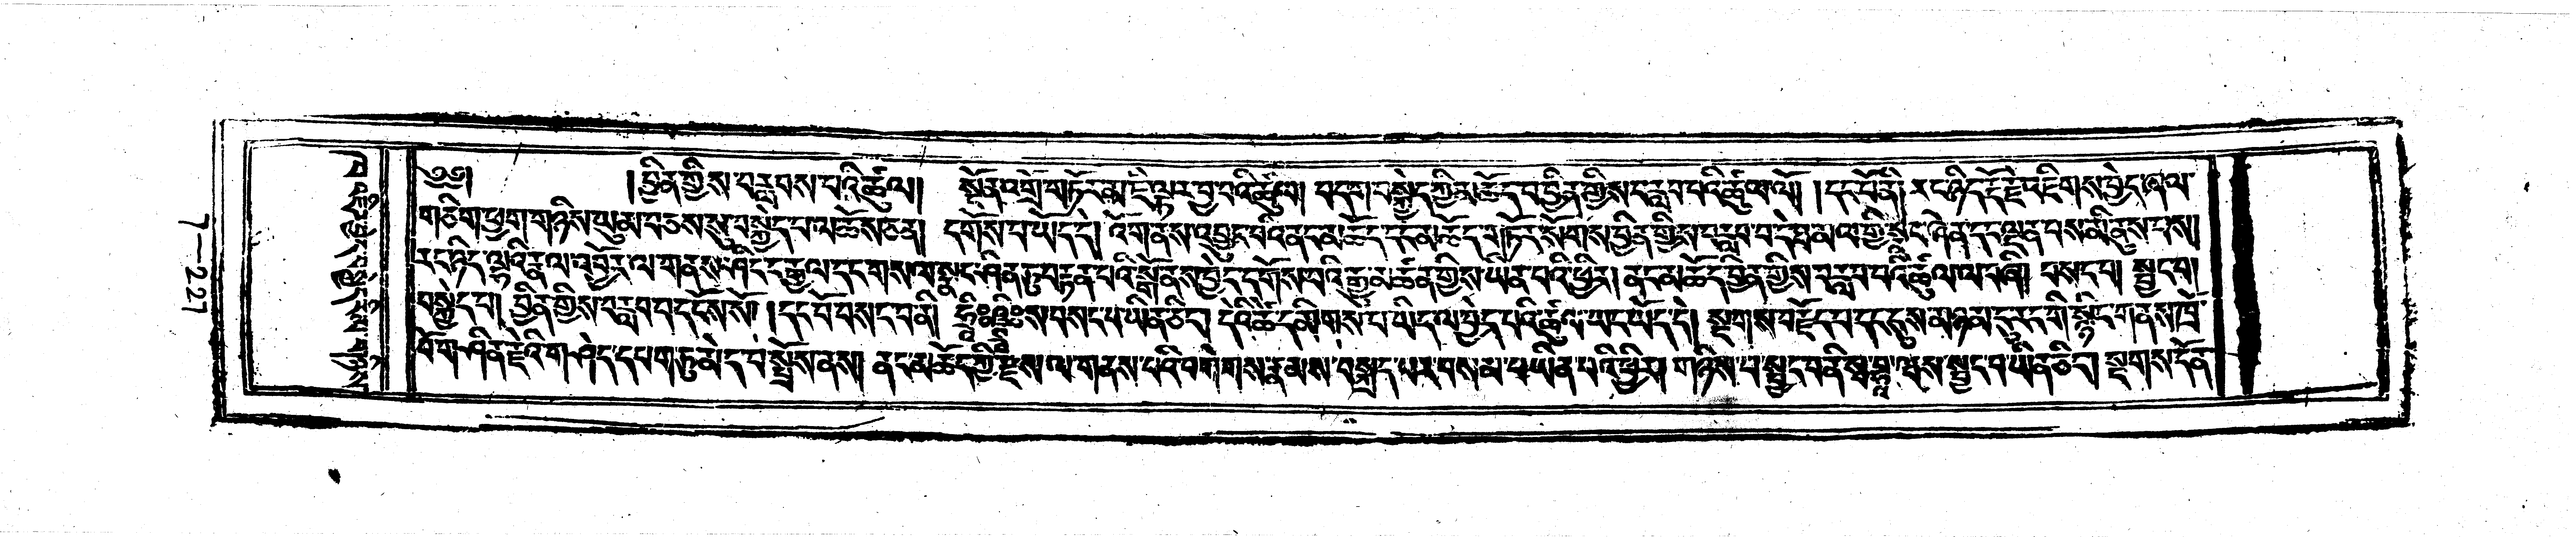༄༅། །བྱིན་གྱིས་བརླབས་པའི་ཚུལ། སྔོན་འགྲོ་གཏོར་མ་ཇི་ལྟར་བྱ་བའི་ཚུལ། བདག་བསྐྱེད་ཀྱི་མཆོད་པ་བྱིན་གྱིས་བརླབ་པའི་ཚུལ་ལོ། །དང་པོ་ནི། རང་ཉིད་རྡོ་རྗེ་འཇིགས་བྱེད་ཞལ་
གཅིག་ཕྱག་གཉིས་ཡུམ་བཅས་སུ་བསྐྱེད་པ་ལ་ཆོས་ཅན། དགོས་པ་ཡོད་དེ། འོག་ནས་འབྱུང་བའི་ནང་མཆོད་དང་མཆོད་གཏོར་སོགས་བྱིན་གྱིས་བརླབ་པ་དེ་ཐ་མལ་གྱི་སྣང་ཞེན་དང་ལྡན་པས་མི་ནུས་པས།
རང་ཉིད་ལྷའི་རྣལ་འབྱོར་ལ་གནས་ཤིང་ང་རྒྱལ་དང་གསལ་སྣང་ཤིན་ཏུ་བརྟན་པའི་སྒོ་ནས་བྱེད་དགོས་པའི་རྒྱུ་མཚན་གྱིས་ཡིན་པའི་ཕྱིར། ནང་མཆོད་བྱིན་གྱིས་བརླབ་པའི་ཚུལ་ལ་བཞི། བསང་བ། སྦྱང་བ།
བསྐྱེད་པ། བྱིན་གྱིས་བརླབ་པ་དངོས་སོ། །དང་པོ་བསང་བ་ནི། ཧྲཱིཿ ཥྚྭཱིཿ ས་བསང་བ་ཡིན་ཅིང་། དེའི་ཚེ་དམིགས་པ་ཡིད་ལ་བྱེད་པའི་ཚུལ་ཡང་ཡོད་དེ། སྔགས་བརྗོད་པ་དང་དུས་མཉམ་དུ་རང་གི་སྙིང་གནས་ཁྲོ་
བོ་གཤིན་རྗེའི་གཤེད་དཔག་ཏུ་མེད་པ་སྤྲོས་ནས། ནང་མཆོད་ཀྱི་རྫས་ལ་གནས་པའི་བགེགས་རྣམས་བསྐྲད་པར་བསམ་པ་ཡིན་པའི་ཕྱིར། གཉིས་པ་སྦྱང་བ་ནི་སྭ་བྷཱ་ཝས་སྦྱང་བ་ཡིན་ཅིང་། སྔགས་དོན་